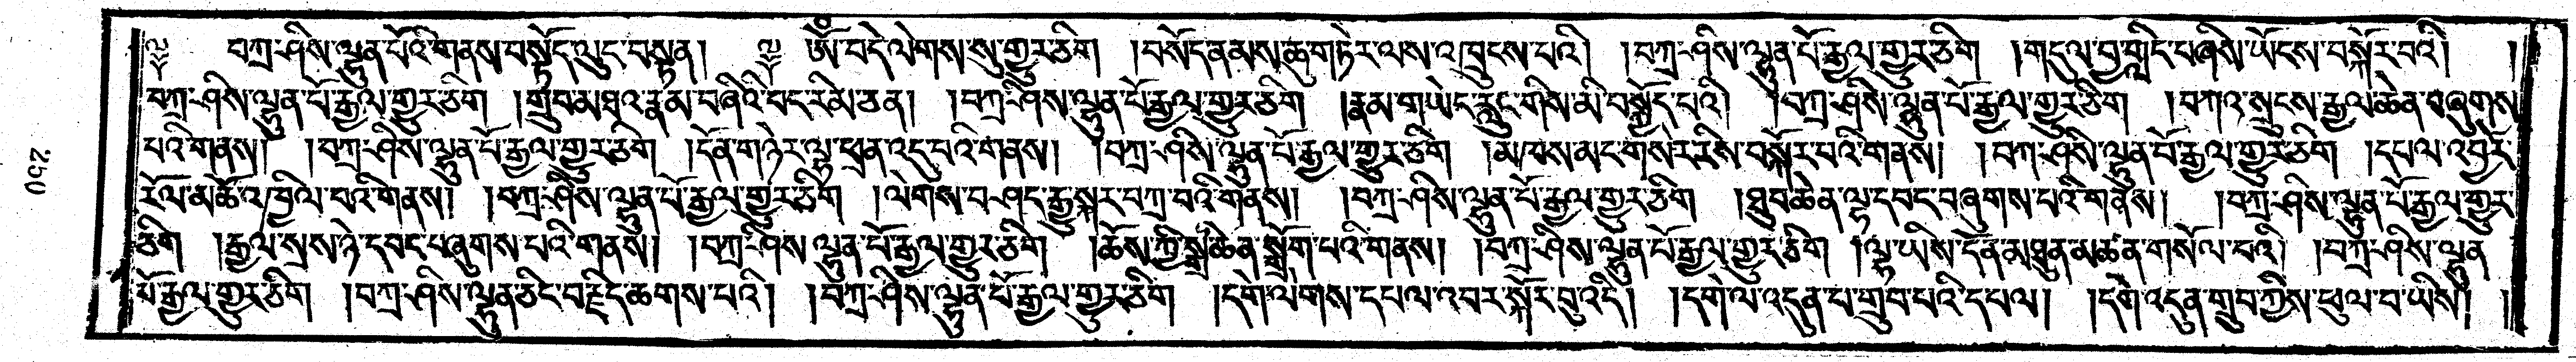༈ བཀྲ་ཤིས་ལྷུན་པོའི་གནས་བསྟོད་ལུང་བསྟན། ༈ ཨོཾ་བདེ་ལེགས་སུ་གྱུར་ཅིག །བསོད་ནམས་ཆུ་གཏེར་ལས་འཁྲུངས་པའི། །བཀྲ་ཤིས་ལྷུན་པོ་རྒྱལ་གྱུར་ཅིག །གདུལ་བྱ་གླིང་པ་ཞིས་ཡོངས་བསྐོར་བའི། །
བཀྲ་ཤིས་ལྷུན་པོ་རྒྱལ་གྱུར་ཅིག །གྲུབ་མཐའ་རྣམ་བཞིའི་བང་རིམ་ཅན། །བཀྲ་ཤིས་ལྷུན་པོ་རྒྱལ་གྱུར་ཅིག །རྣམ་གཡེང་རླུང་གིས་མི་བསྐྱོད་པའི། །བཀྲ་ཤིས་ལྷུན་པོ་རྒྱལ་གྱུར་ཅིག །བཀའ་སྲུངས་རྒྱལ་ཆེན་བཞུགས་
པའི་གནས། །བཀྲ་ཤིས་ལྷུན་པོ་རྒྱལ་གྱུར་ཅིག །དོན་གཉེར་ལྷ་ཕྲན་འདུ་པའི་གནས། །བཀྲ་ཤིས་ལྷུན་པོ་རྒྱལ་གྱུར་ཅིག །མཁས་མང་གསེར་རིས་བསྐོར་བའི་གནས། །བཀྲ་ཤིས་ལྷུན་པོ་རྒྱལ་གྱུར་ཅིག །དཔལ་འབྱོར་
རོལ་མཆོ་འཁྱིལ་བའི་གནས། །བཀྲ་ཤིས་ལྷུན་པོ་རྒྱལ་གྱུར་ཅིག །ལེགས་བཤད་རྒྱུ་སྐར་བཀྲ་བའི་གནས། །བཀྲ་ཤིས་ལྷུན་པོ་རྒྱལ་གྱུར་ཅིག །ཐུབ་ཆེན་ལྷ་དབང་བཞུགས་པའི་གནས། །བཀྲ་ཤིས་ལྷུན་པོ་རྒྱལ་གྱུར་
ཅིག །རྒྱལ་སྲས་ཉེ་དབང་བཞུགས་པའི་གནས། །བཀྲ་ཤིས་ལྷུན་པོ་རྒྱལ་གྱུར་ཅིག །ཆོས་ཀྱི་སྒྲ་ཆིན་སྒྲོག་པའི་གནས། །བཀྲ་ཤིས་ལྷུན་པོ་རྒྱལ་གྱུར་ཅིག །ལྷ་ཡིས་དོན་མཐུན་མཚན་གསོལ་བའི། །བཀྲ་ཤིས་ལྷུན་
པོ་རྒྱལ་གྱུར་ཅིག །བཀྲ་ཤིས་ལྷུན་ཅིང་བརྗིད་ཆགས་པའི། །བཀྲ་ཤིས་ལྷུན་པོ་རྒྱལ་གྱུར་ཅིག །དགེ་ལེགས་དཔལ་འབར་སྐོར་བུ་འདི། །དགེ་ལ་འདུན་པ་གྲུབ་པའི་དཔལ། །དགེ་འདུན་གྲུབ་ཀྱིས་ཕུལ་བ་ཡིས། །